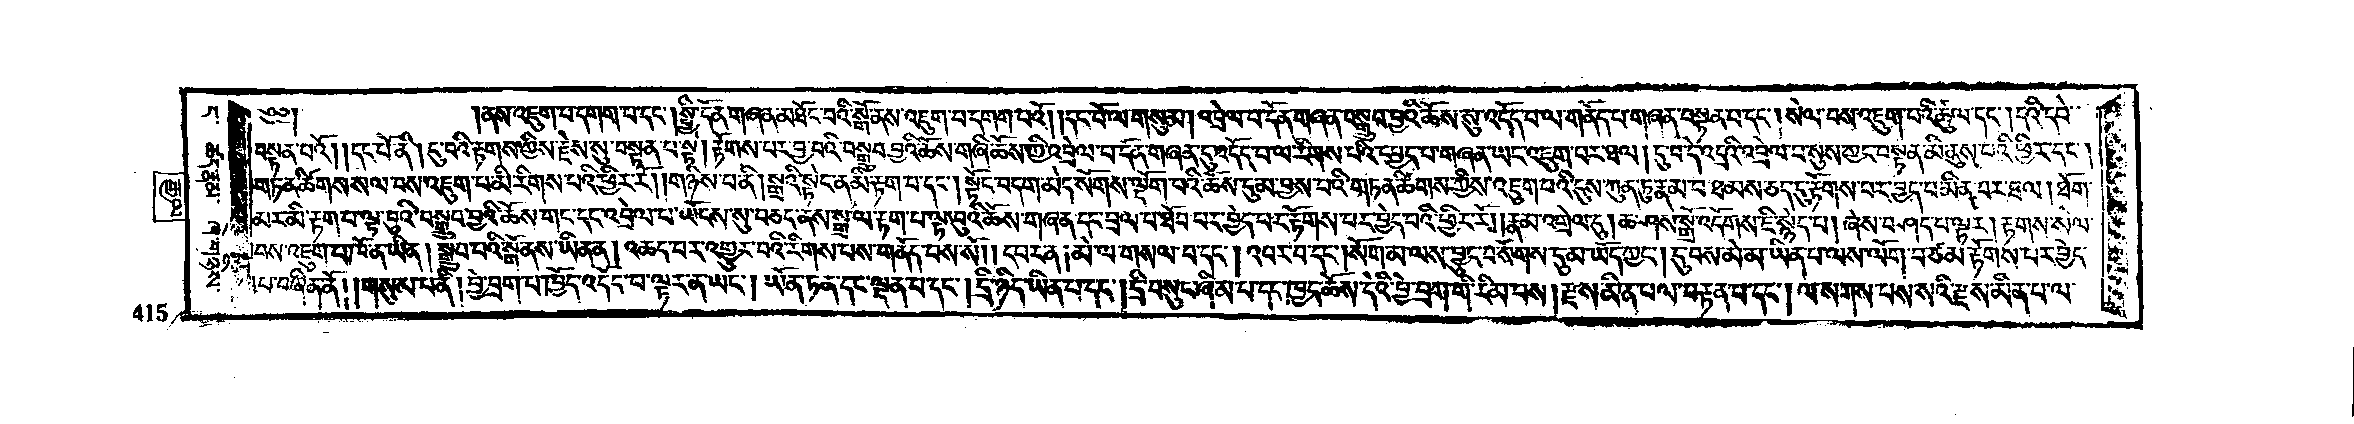༄༅། །ནས་འཇུག་པ་དགག་པ་དང་། སྤྱི་དོན་གཞན་མཐོང་བའི་སྒོ་ནས་འཇུག་པ་དགག་པའོ། །དང་པོ་ལ་གསུམ། འབྲེལ་བ་དོན་གཞན་བསྒྲུབ་བྱའི་ཆོས་སུ་འདོད་པ་ལ་གནོད་པ་གཞན་བསྟན་པ་དང་། སེལ་བས་འཇུག་པའི་ཚུལ་དང་། དའི་དཔེ་
བསྟན་པའོ། །དང་པོ་ནི། དུ་བའི་རྟགས་ཀྱིས་རྗེས་སུ་བསྟན་པ་སྟེ། རྟོགས་པར་བྱ་བའི་བསྒྲུབ་བྱའི་ཆོས་གཞི་ཆོས་ཀྱི་འབྲེལ་བ་དོན་གཞན་དུ་འདོད་པ་ལ་རིགས་པའི་དཔྱད་པ་གཞན་ཡང་འཇུག་པར་ཐལ། དུ་བ་དེ་འདྲའི་འབྲེལ་པ་སུས་ཀྱང་བསྟན་མི་ནུས་པའི་ཕྱིར་དང་།
གཏན་ཚིགས་སལ་བས་འུག་པ་མི་རིགས་པའི་ཕྱིར་རོ། །གཉིས་པ་ནི། སྒྲའི་སྟེང་ན་མི་རྟག་པ་དང་། སྟོང་བདག་མེད་སོགས་ལྡོག་པའི་ཆོས་དུ་མ་བྱས་པའི་གཏན་ཚིགས་ཀྱིས་འཇུག་པའི་དུས་ཀུན་ཏུ་རྣམ་པ་ཐམས་ཅད་དུ་རྟོགས་པར་བྱེད་པ་མིན་པར་ཐལ། ཐོག་
མར་མི་རྟག་པ་ལྟ་བུའི་བསྒྲུབ་བྱའི་ཆོས་གང་དང་འབྲེལ་པ་ཡོངས་སུ་བཅད་ནས་སྒྲ་ལ་རྟག་པ་ལྟ་བུའི་ཆོས་གཞན་དང་བྲལ་པ་ཐོབ་པར་བྱེད་པར་རྟོགས་པར་བྱེད་པའི་ཕྱིར་རོ། །རྣམ་འགྲེལ་དུ། ཆ་ཤས་སྒྲོ་འདོགས་ཇི་སྙེད་པ། ཞེས་བཤད་པ་ལྟར། རྟགས་སེལ་
བས་འཇུག་པ་ཁོ་ན་ཡིན། སྒྲུབ་པའི་སྒོ་ནས་ཡིན་ན། འཆད་པར་འགྱུར་བའི་རིགས་པས་གནོད་པས་སོ། །དབང་ན། མེ་ལ་གསལ་བ་དང་། འབར་བ་དང་། སོག་མ་ལས་བྱུང་བ་སོགས་དུ་མ་ཡོད་ཀྱང་། དུ་བས་མེ་མ་ཡིན་པ་ལས་ལོག་པ་ཙམ་རྟོགས་པར་བྱེད་
པ་བཞིན་ནོ། །གསུམ་པ་ནི། བྱེ་བྲག་པ་ཁྱོད་འདོད་པ་ལྟར་ན་ཡང་། ཡོན་ཏན་དང་ལྡན་པ་དང་། དྲི་ཉིད་ཡིན་པ་དང་། དྲི་བསུང་ཞིམ་པ་དང་ཁྱད་ཆོས་དེའི་བྱེ་བྲག་གི་རིམ་པས། རྫས་མིན་པ་ལ་བརྟན་པ་དང་། ལ་སོགས་པས་སའི་རྫས་མིན་པ་ལ་